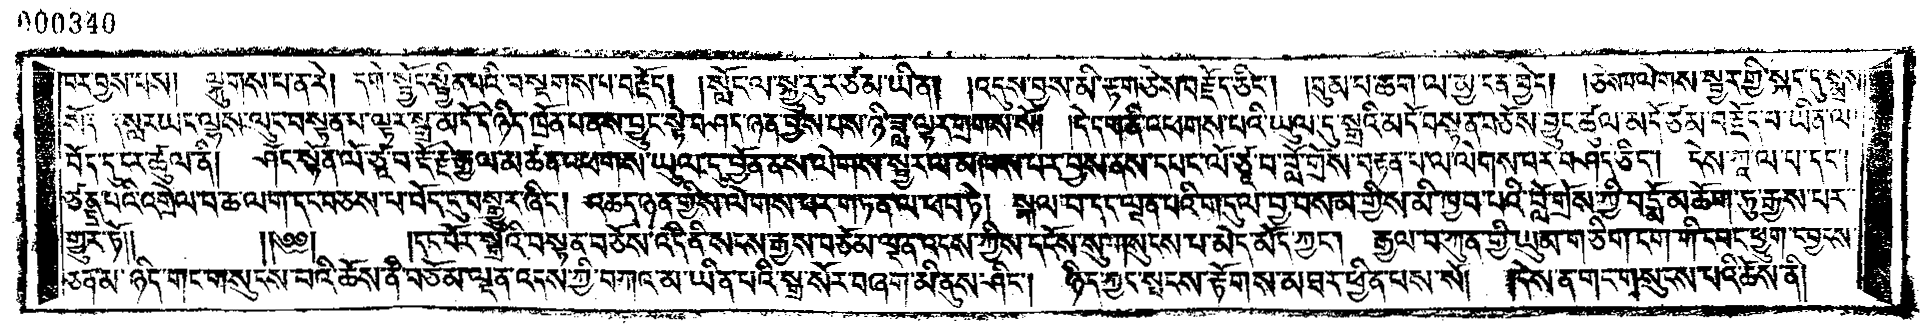བར་བྱས་པས། ལྐུགས་པ་ན་རེ། དགེ་སྦྱོང་སྦྱིན་པའི་བསྔགས་པ་བརྗོད། །སློང་ལ་སྐྱུ་རུ་ར་ཙམ་ཡིན། །འདུས་བྱས་མི་རྟག་ཅེས་བརྗོད་ཅིང་། །བུམ་པ་ཆག་ལ་མྱ་ངན་བྱེད། །ཅེས་པ་ལེགས་སྦྱར་གྱི་སྐད་དུ་སྨྲས་
སོ༑ ༑སླར་ཡང་ལྷས་ལུང་བསྟན་པ་ལྟར་སྒྲ་མདོ་དེ་ཉིད་ཁྲོན་པ་ནས་བྱུང་སྟེ་བཤད་ཉན་བྱས་པས་ཉི་ཟླ་ལྟར་གྲགས་སོ། །དེ་དག་ནི་འཕགས་པའི་ཡུལ་དུ་སྒྲའི་མདོ་བསྟན་བཅོས་བྱུང་ཚུལ་མདོ་ཙམ་བརྗོད་པ་ཡིན་ལ།
བོད་དུ་ངར་ཚུལ་ནི། ཤོང་སྟོན་ལོ་ཙཱ་བ་རྡོ་རྗེ་རྒྱལ་མཚན་འཕགས་ཡུལ་དུ་བྱོན་ནས་ལེགས་སྦྱར་ལ་མཁས་པར་བྱས་ནས་དཔང་ལོ་ཙཱ་བ་བློ་གྲོས་བརྟན་པ་ལ་ལེགས་པར་བཤད་ཅིང་། དེས་ཀཱ་ལ་པ་དང་།
ཙནྡྲ་པའི་འགྲེལ་བ་ཆ་ལག་དང་བཅས་པ་བོད་དུ་བསྒྱུར་ཞིང་། འཆད་ཉན་གྱིས་ལེགས་པར་གཏན་ལ་ཕབ་ཏེ། སྐལ་བ་དང་ལྡན་པའི་གདུལ་བྱ་བསམ་གྱིས་མི་ཁྱབ་པའི་བློ་གྲོས་ཀྱི་པདམོ་མཆོག་ཏུ་རྒྱས་པར་
གྱུར་ཏོ།། །། ༄༅། །དང་པོར་སྒྲའི་བསྟན་བཅོས་འདི་ནི་སངས་རྒྱས་བཅོམ་ལྡན་འདས་ཀྱིས་དངོས་སུ་གསུངས་པ་མེད་མོད་ཀྱང་། རྒྱལ་བ་ཀུན་གྱི་ཡུམ་གཅིག་ངག་གི་དབང་ཕྱུག་དབྱངས་
ཅན་མ་ཉིད་གང་གསུངས་པའི་ཆོས་ནི་བཅོམ་ལྡན་འདས་ཀྱི་བཀའ་མ་ཡིན་པའི་སྒྲ་སོར་བཞག་མི་ནུས་ཤིང་། ཉིད་ཀྱང་སྤངས་རྟོགས་མཐར་ཕྱིན་པས་སོ། །དེས་ན་གང་གསུངས་པའི་ཆོས་ནི།